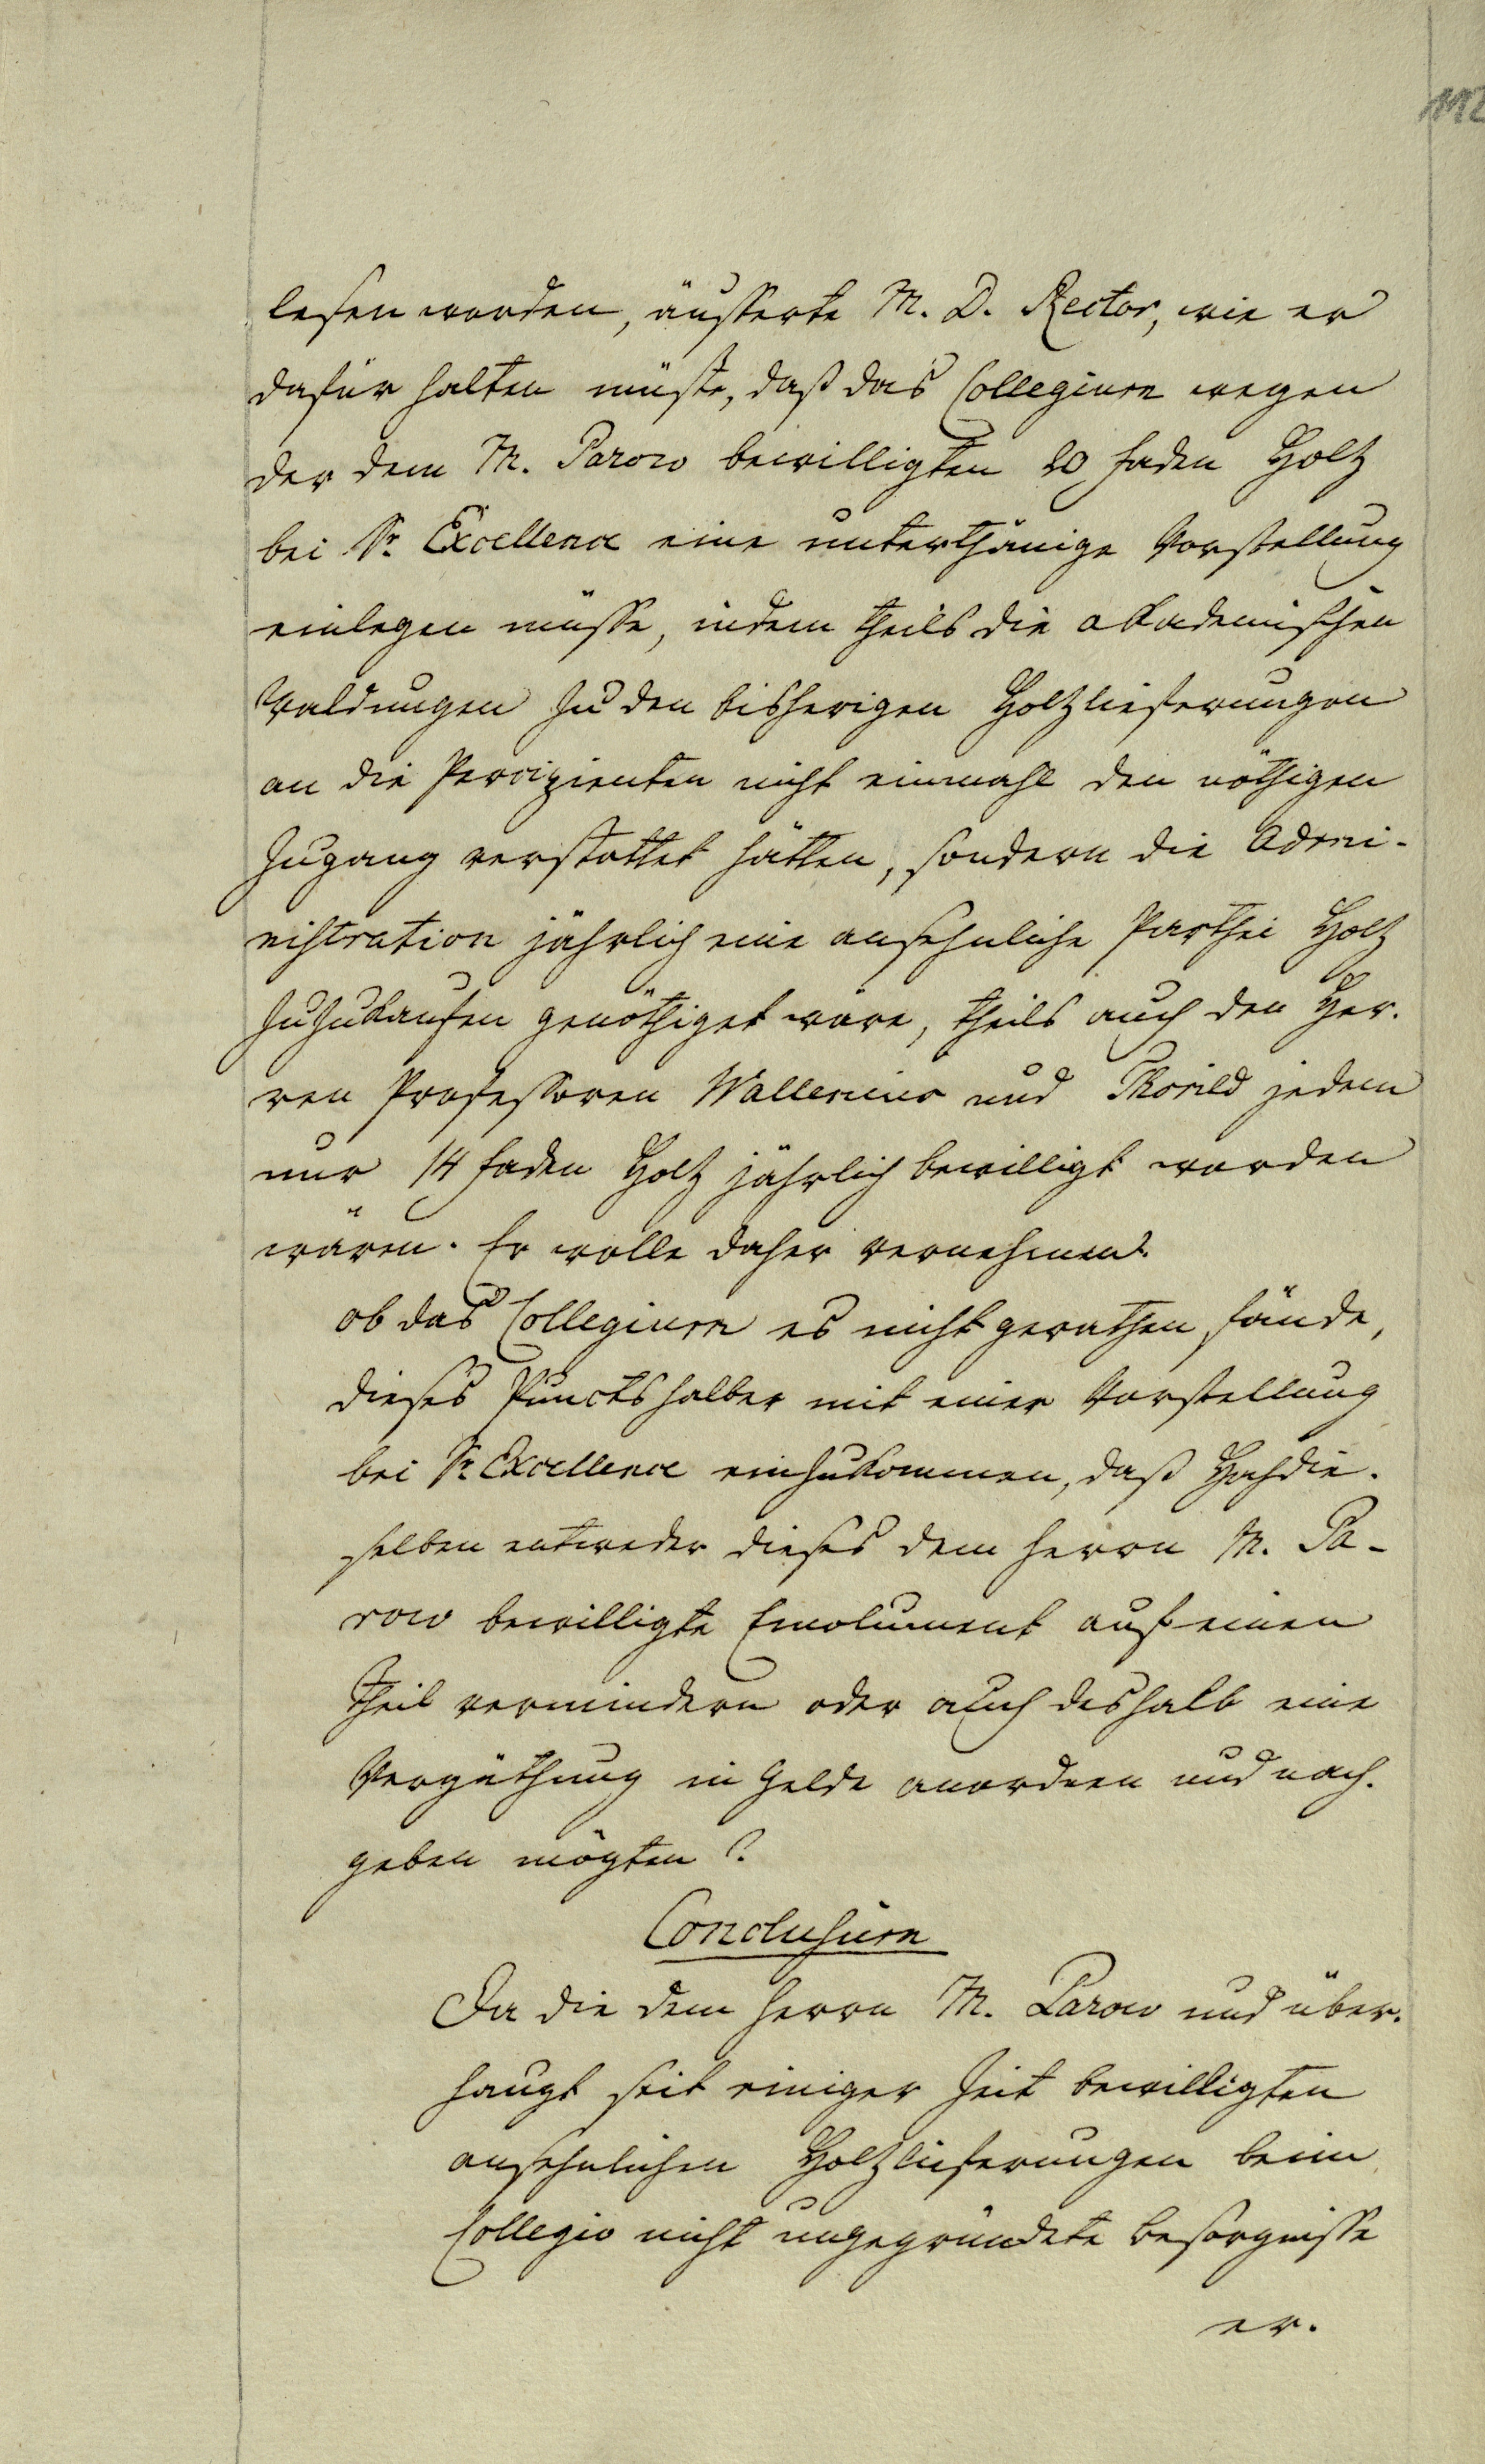lesen worden, äusserte M. D. Rector, wie er
dafür halten müßte, daß das Collegium wegen
der dem M. Parow bewilligten 20 Faden Holz
bei Sr Excellence eine unterthänige Vorstellung
einlegen müsse, indem theils die akademischen
Waldungen zu den bisherigen Holzlieferungen
an die Percipienten nicht einmahl den nöthigen
Zugang verstattet hätten, sondern die Admi¬
nistration jährlich eine ansehnliche Parthei Holz
zuzukaufen genöthiget wäre, theils auch den Her¬
ren Professoren Wallenius und Thorild jedem
nur 14 Faden Holz jährlich bewilligt worden
wären. Er wolle daher vernehmen:
ob das Collegium es nicht gerathen fände,
dieses Puncts halber mit einer Vorstellung
bei Sr Excellence einzukommen, daß Hochdie¬
selben entweder dieses dem Herrn M. Pa¬
row bewilligte Emolument auf einen
Theil vermindern oder auch deshalb eine
Vergüthung in Gelde anordnen und nach¬
geben mögten?
Conclusum
Da die dem Herrn M. Parow und über¬
haupt seit einiger Zeit bewilligten
ansehnlichen Holzlieferungen beim
Collegio nicht ungegründete Besorgisse
er¬